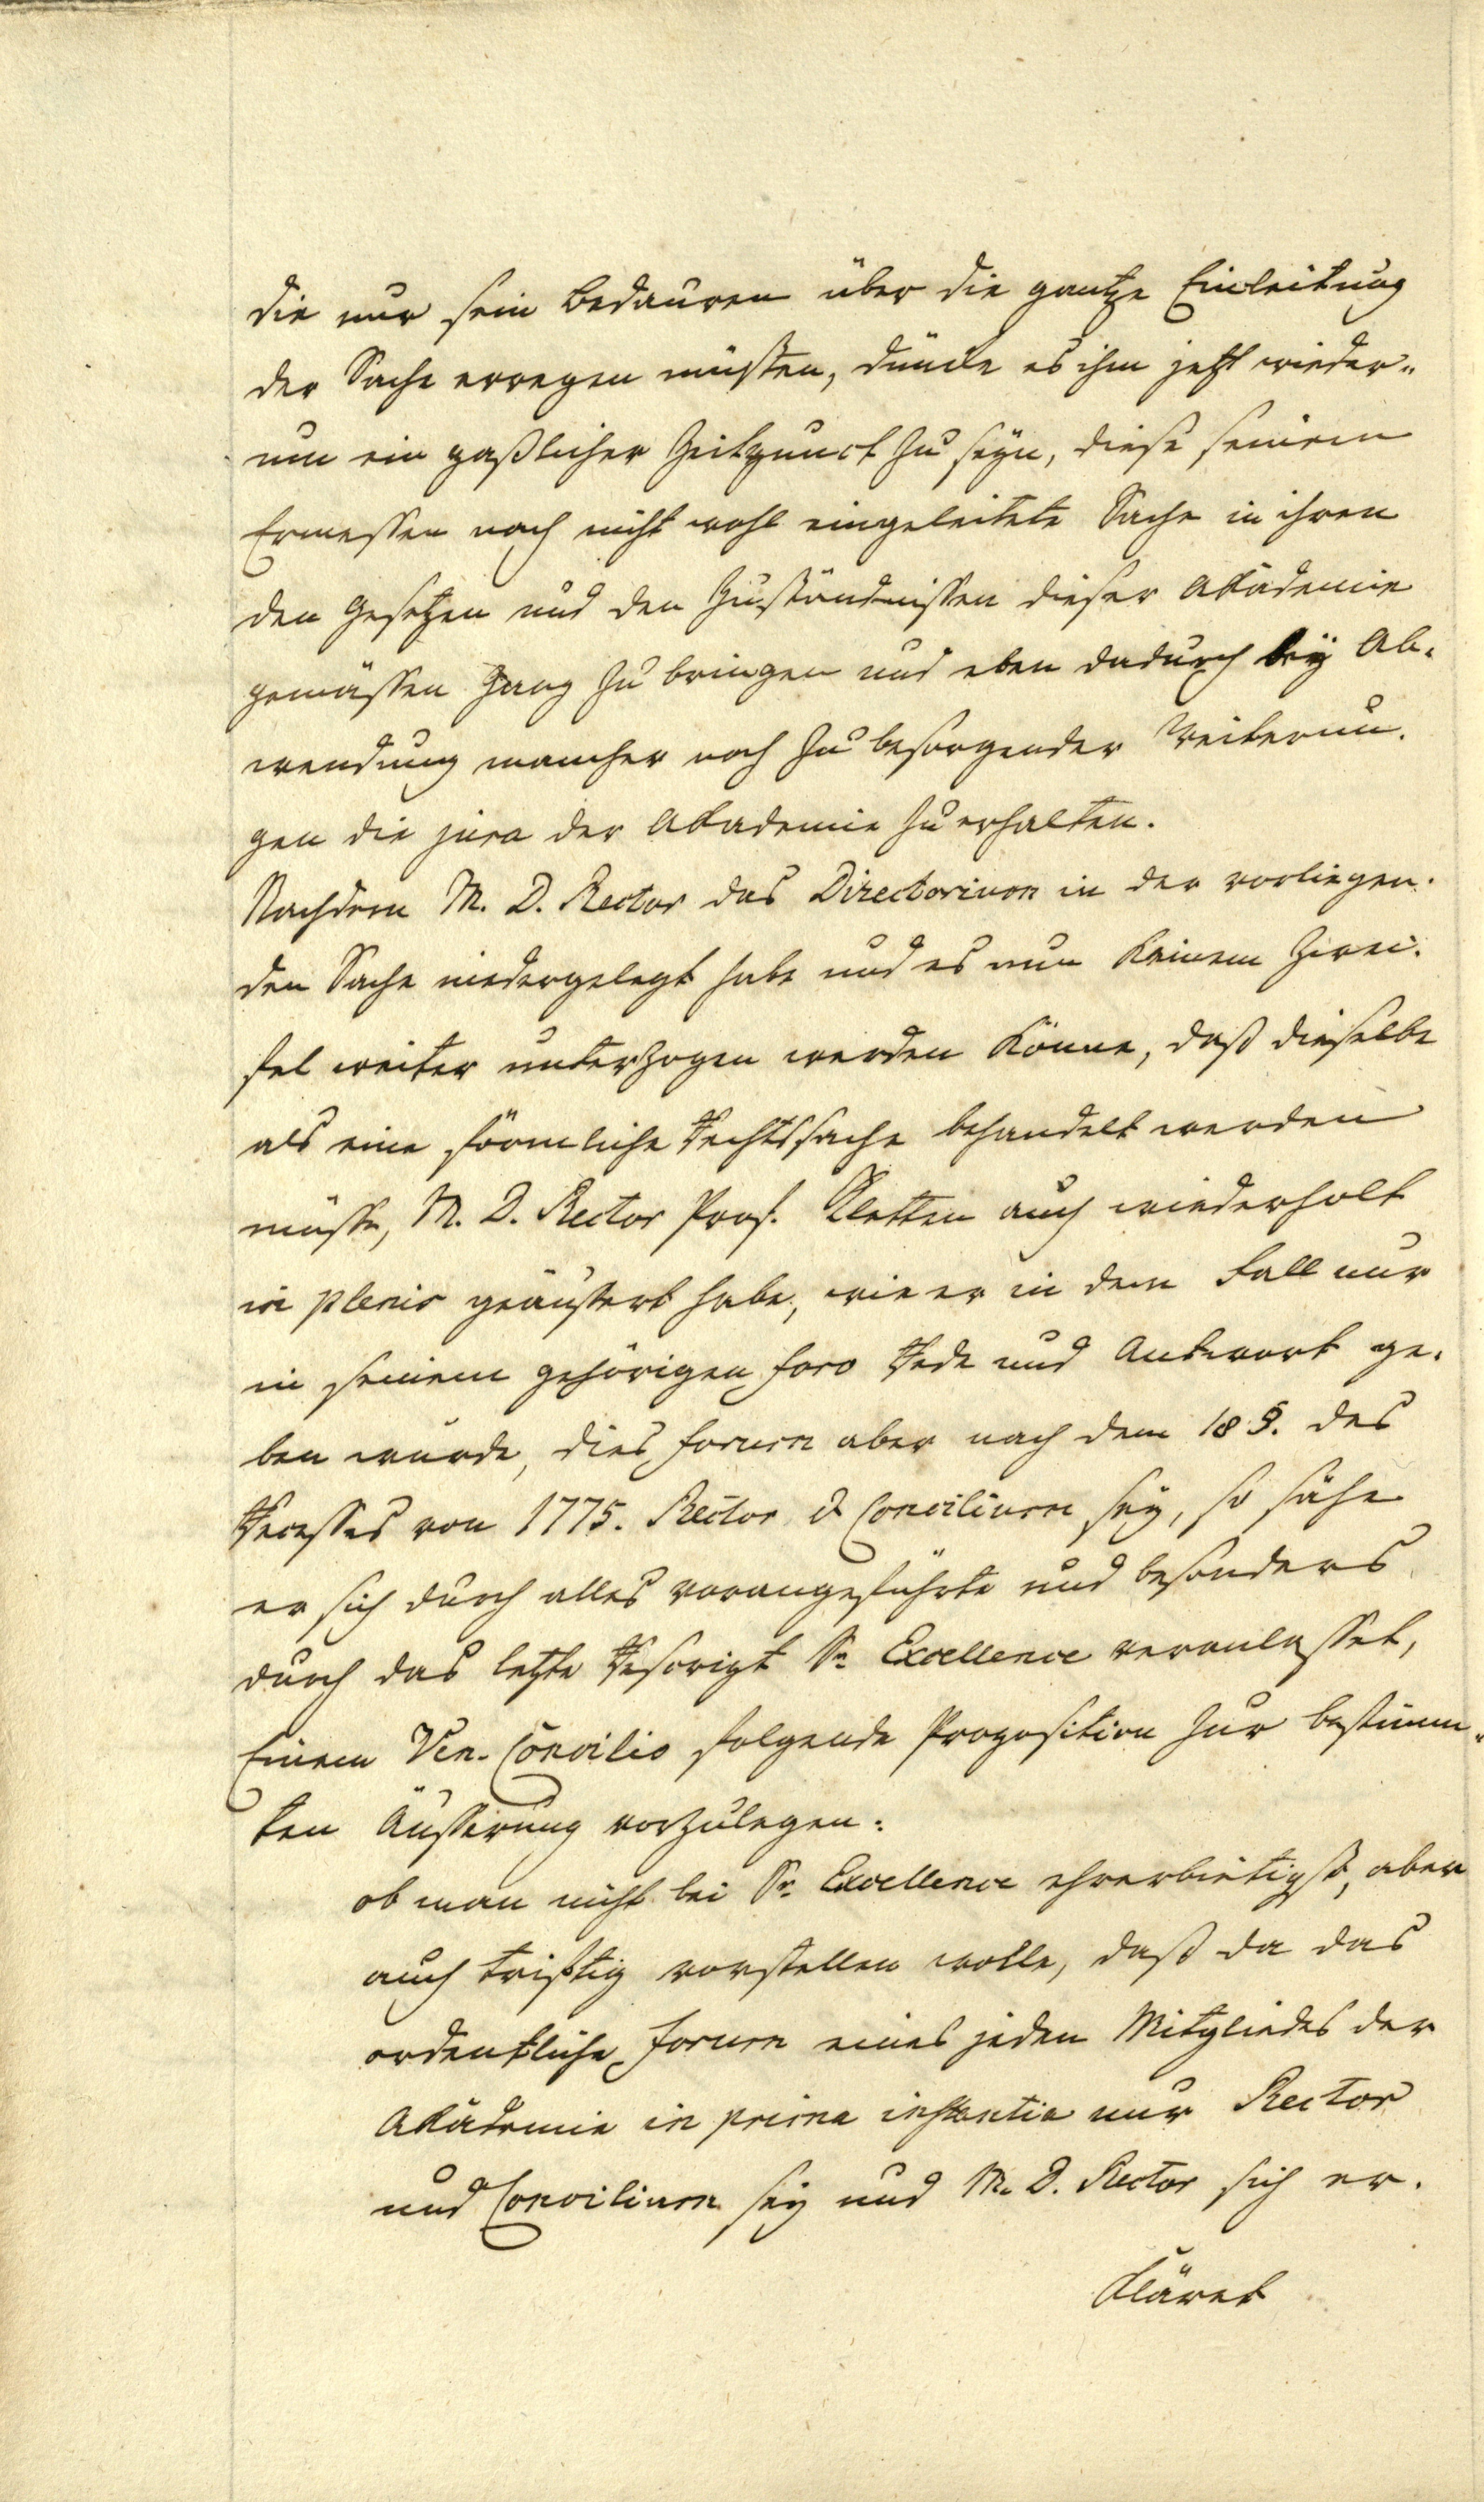die nur sein Bedauren über die gantze Einleitung
der Sache erregen müßten, düncke es ihm jetzt wieder¬
um ein paßlicher Zeitpunct zu seÿn, diese seinem
Ermessen nach nicht wohl eingeleitete Sache in ihren
den Gesetzen und den Zuständnissen dieser Akademie
gemässen Gang zu bringen und eben dadurch beÿ Ab¬
wendung mancher noch zu besorgender Weiterun¬
gen die jura der Akademie zu erhalten.
Nachdem M. D. Rector das Directorium in der vorliegen¬
den Sache niedergelegt habe und es nun keinem Zwei¬
fel weiter unterzogen werden könne, daß dieselbe
als eine förmliche Rechtssache behandelt werden
müsse, M. D. Rector Prof. Kletten auch wiederholt
in plenis geäussert habe, wie er in dem Fall nur
in seinem gehörigen Foro Rede und Antwort ge¬
ben würde, dies Forum aber nach dem 18 §. des
Recesses von 1775. Rector et Concilium seÿ, so sähe
er sich durch alles vorangeführte und besonders
durch das letzte Rescript Sr Excellence veranlasset,
Einem Ven. Concilio folgende Proposition zur bestimm¬
ten Äusserung vorzulegen:
ob man nicht bei Sr Excellence ehrerbietigst, aber
auch triftig vorstellen wolle, daß da das
ordentliche Forum eines jeden Mitgliedes der
Akademie in prima instantia nur Rector
und Concilium seÿ und M. D. Rector sich er¬
käret